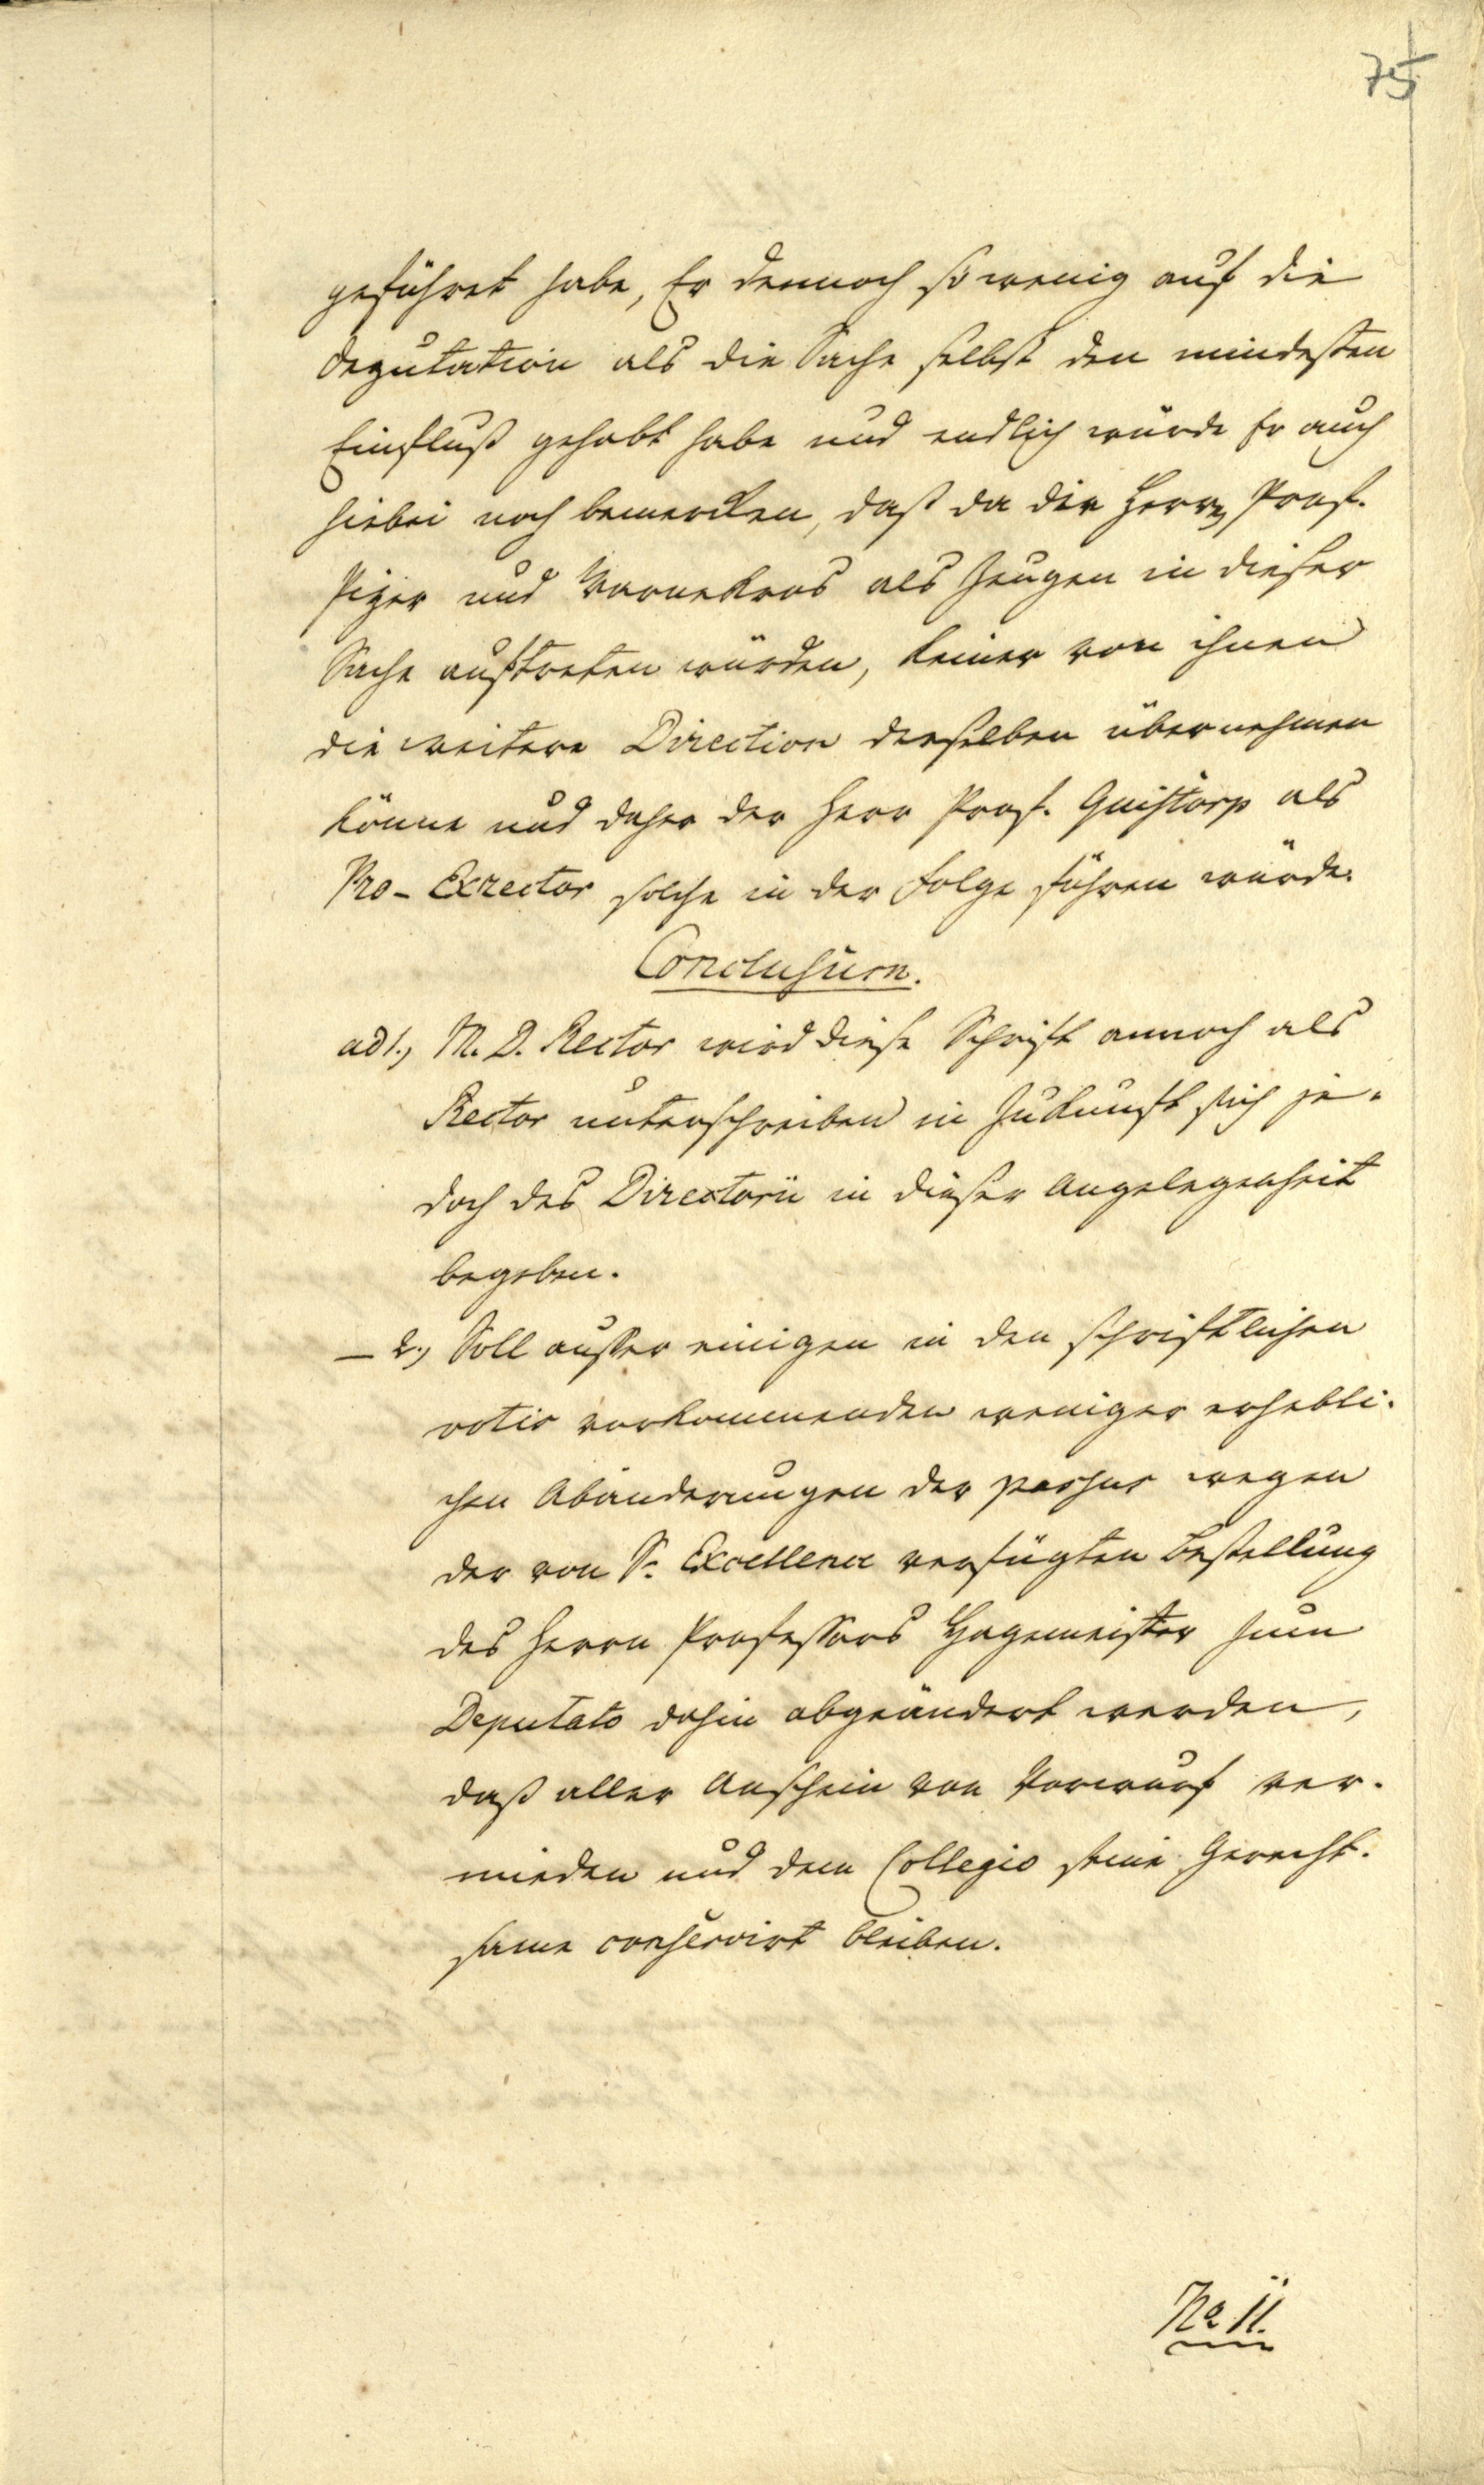geführet habe, Er dennoch so wenig auf die
Deputation als die Sache selbst den mindesten
Einfluß gehabt habe und endlich würde Er auch
hiebei noch bemercken, daß da die Herrn Prof.
Piper und Warnekros als Zeugen in dieser
Sache auftreten würden, keiner von ihnen
die weitere Direction derselben über nehmen
könne und daher der Herr Prof. Quistorp als
Pro. Exrector solche in der Folge führen würde.
Conclusum.
ad 1, M. D. Rector wird diese Schrift annoch als
Rector unterschreiben in Zukunft sich je¬
doch des Directorii in dieser Angelegenheit
begeben.
2., Soll ausser einigen in den schriftlichen
votis vorkommenden weniger erhebli¬
chen Abänderungen der passus wegen
der von Sr. Excellence verfügten Bestellung
des Herrn Professors Hagemeister zum
Deputato dahin abgeändert werden,
daß aller Anscheim von Vorwurf ver¬
mieden und dem Collegio seine Gerecht-
same conservirt bleiben.
No. 11.